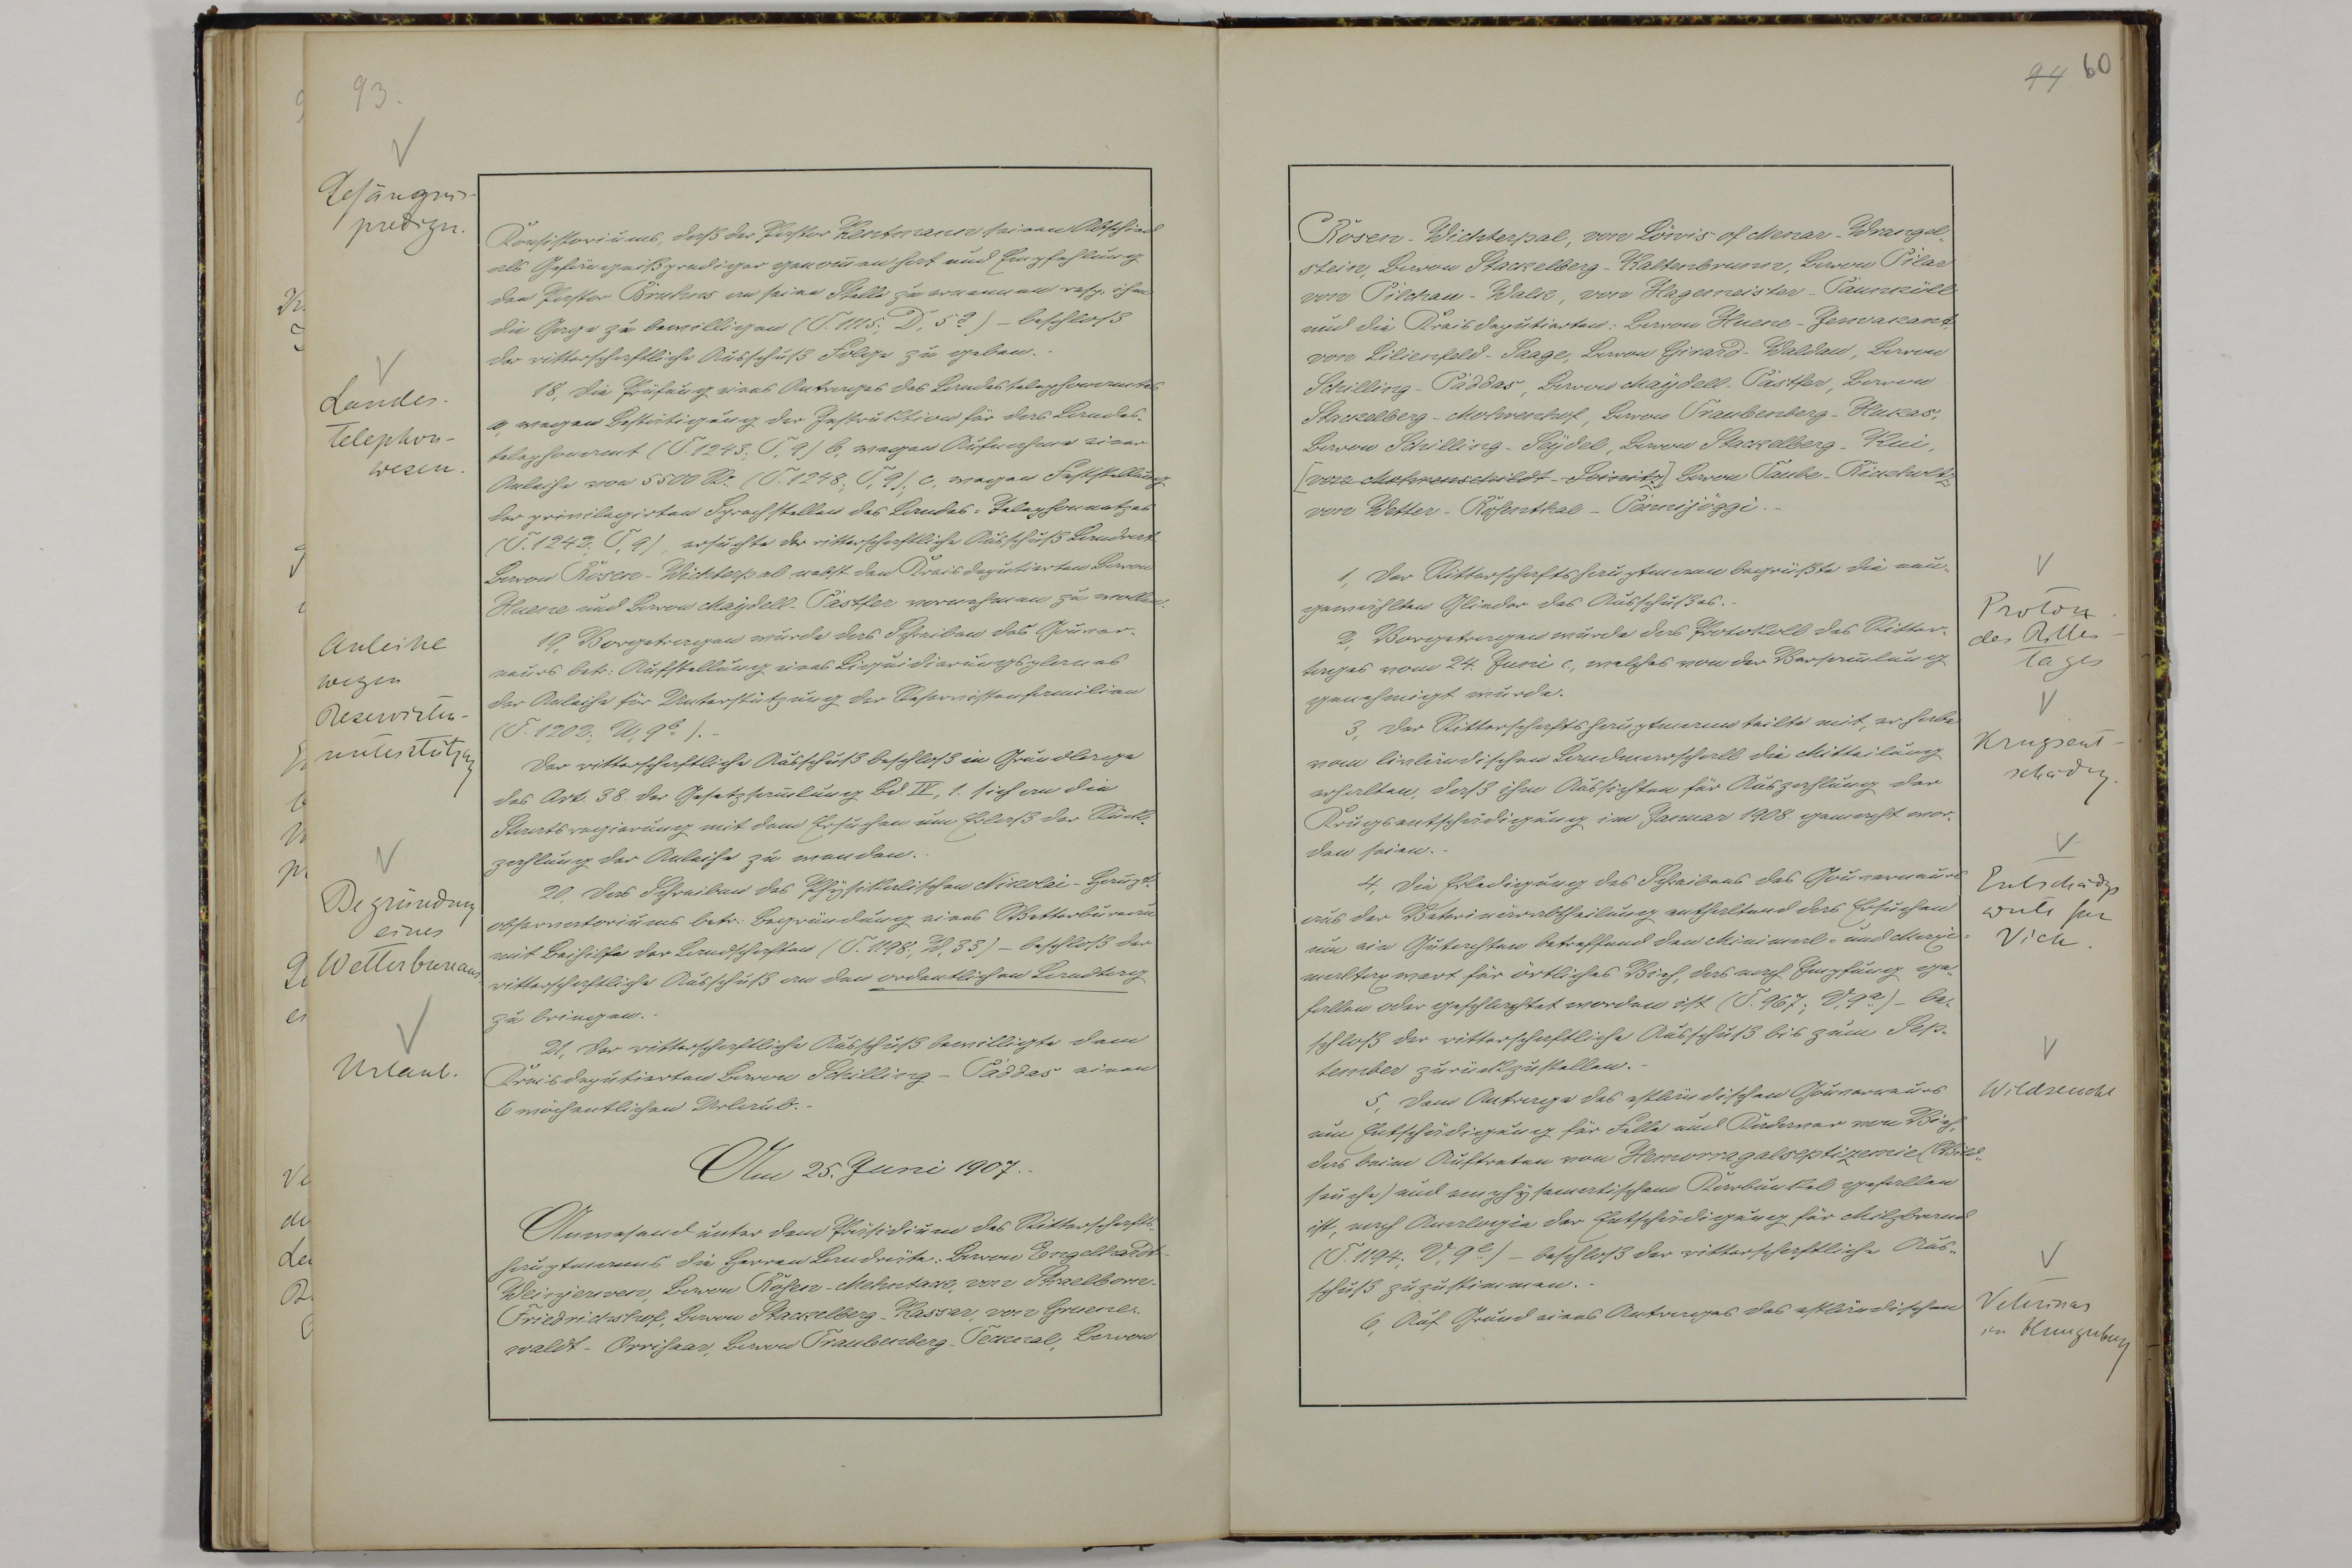Gefängnis
prediger
Landes
telephon
wesen
Anleihe
wegen
Reservisten
unterstützung
Begründung
eines
Wetterbureaus
Urlaub
Konsistoriums, daß der Pastor Kentmann seinen Abschied
als Gefängnißprediger genommen hat und Empfehlung
den Pastor Bruhns an seine Stelle zu ernennen resp. ihm
die Gage zu bewilligen (T.1115; D.5g) - beschloß
der ritterschaftliche Ausschuß Folge zu geben.
18. Die Prüfung eines Antrages des Landestelephonamtes
a. wegen Bestätigung der Instruktion für das Landes-
telephonamt (T.1243; T.9) b. wegen Aufnahme einer
Anleihe von 5500 Ro. (T.1248; T.9). c. wegen Feststellung
der privilegirten Sprechstellen des Landes-Telephonnetzes
(T.1242; T.9) ersuchte der ritterschaftliche Ausschuß Landrat
Baron Rosen-Wichterpal nebst den Kreisdeputierten Baron
Huene und Baron Maydell-Pastfer vornehmen zu wollen.
19. Vorgetragen wurde das Schreiben des Gouver-
neurs betr. Aufstellung eines Liquidierungsplanes
der Anleihe für Unterstützung der Reservistenfamilien
(T.1202; U.9b).
Der ritterschaftliche Ausschuß beschloß in Grundlage
des Art. 38 der Gesetzsammlung Bd.IV, 1. sich an die
Staatsregierung mit dem Ersuchen um Erlaß der Rück-
zahlung der Anleihe zu wenden.
20. Das Schreiben des Physikalischen Nikolai-Haupt-
observatoriums betr. Begründung eines Wetterbureau
mit Beihilfe der Landschaften (T.1198; W.33) - beschloß der
ritterschaftliche Ausschuß an den ordentlichen Landtag
zu bringen.
21. Der ritterschaftliche Ausschuß bewilligte dem
Kreisdeputierten Baron Schilling-Paddas einen
6wöchentlichen Urlaub.
Am 25. Juni 1907.
Anwesend unter dem Präsidium des Ritterschafts-
hauptmanns die Herren Landräte: Baron Engelhardt-
Weinjerwen, Baron Rosen-Mehntack, von Straelborn-
Friedrichshof, Baron Stackelberg-Kassar, von Gruene-
waldt-Orrisaar, Baron Traubenberg-Tecknal, Baron
Rosen-Wichterpal, von Löwis of Menar-Wrangel-
stein, Baron Stackelberg-Kaltenbrunn, Baron Pilar
von Pilchau-Walk, von Hagemeister-Paunküll
und die Kreisdeputierten: Baron Huene-Jerwakant,
von Lilienfeld-Saage, Baron Girard-Waldau, Baron
Schilling-Paddas, Baron Maydell-Pastfer, Baron
Stackelberg-Mohrenhof, Baron Traubenberg-Hukas,
Baron Schilling-Seydel, Baron Stackelberg-Kui,
[von Mohrenschildt-Soinitz], Baron Taube-Rickholtz,
von Wetter-Rosenthal-Pennijöggi.
1. Der Ritterschaftshauptmann begrüßte die neu-
gewählten Glieder des Ausschußes.
2. Vorgetragen wurde das Protokoll des Ritter-
tages vom 24. Juni c., welches von der Versammlung
genehmigt wurde.
3. Der Ritterschaftshauptmann teilte mit, er habe
vom livländischen Landmarschall die Mitteilung
erhalten, daß ihm Aussichten für Auszahlung der
Krugsentschädigung im Januar 1908. gemacht wor-
den seien.
4. Die Erledigung des Schreibens des Gouverneurs
aus der Veterinärabtheilung enthaltend das Ersuchen
um ein Gutachten betreffend den Minimal- und Maxi-
maltaxwert für örtliches Vieh, das nach Impfung ge-
fallen oder geschlachtet worden ist (T. 967; V.9a) - be-
schloß der ritterschaftliche Ausschuß bis zum Sep-
tember zurückzustellen.
5. Dem Antrage des estländischen Gouverneurs
um Entschädigung für Felle und Kadaver von Vieh,
das beim Auftreten von Hemorragalseptizemie (Wild-
seuche) und emphysematischem Karbunkel gefallen
ist, nach Analogie der Entschädigung für Milzbrand
(T.1194; V.9e) - beschloß der ritterschaftliche Aus-
schuß zuzustimmen.
6. Auf Grund eines Antrages des estländischen
Protok
des Ritter
tages
Krugsent
schädigung
Entschädigungs
wete für
Vieh
Wildseuche
Veterinär
in Hungerburg